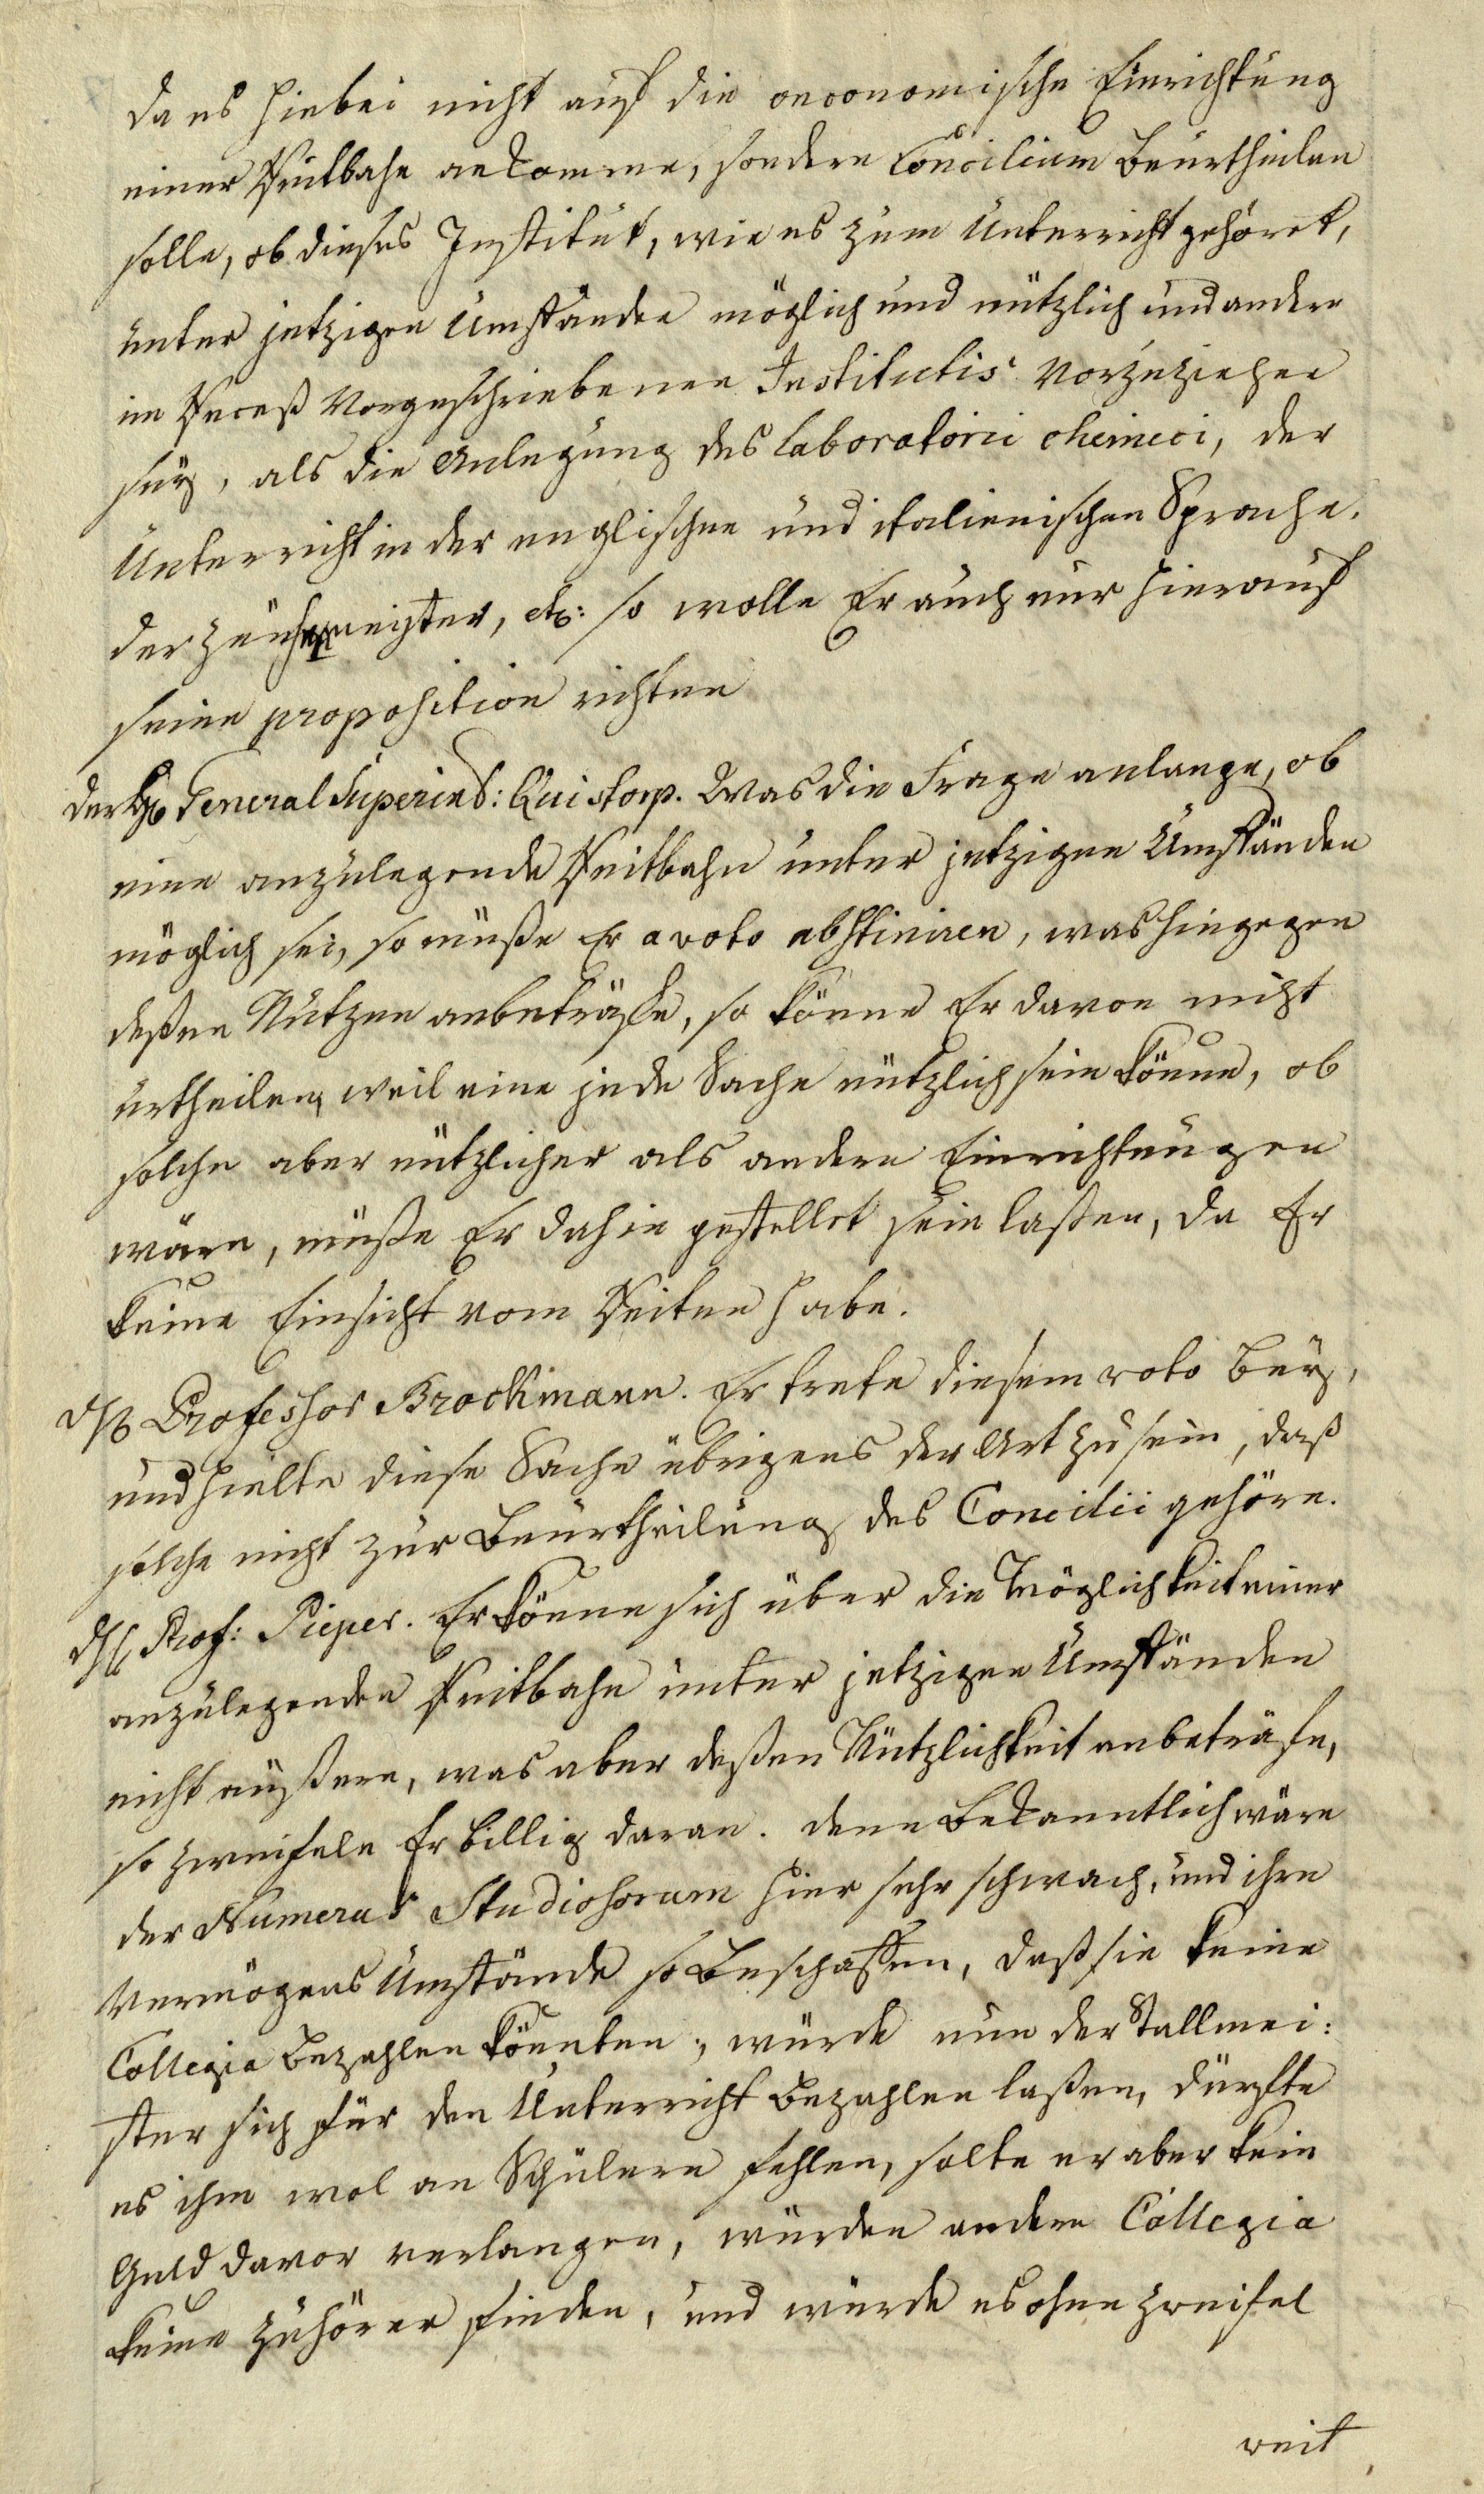da es hiebei nicht auf die oeconomische Einrichtung
einer Reitbahn ankomme, sondern Concilium beurtheilen
solle, ob dieses Institut, wie es zum Unterricht gehöret,
unter jetzigen Umständen möglich und nützlich und andern
im Receß vorgeschriebenen Institutis vorzuziehen
seÿ, als die Anlegung des laboratorii chemici, der
Unterricht in der englischen und italienischen Sprache
der Zeichenmeister, et. so wolle Er auch nur hierauf
seine proposition richten.
Der h. GeneralSuperint. Quistorp. Was die Frage anlange, ob
eine anzulegende Reitbahn unter jetzigen Umständen
möglich sei, so müße Er a voto abstiniren, was hingegen,
deßen Nutzen anbeträfe, so könne Er davon nicht
urtheilen, weil eine jede Sache nützlich sein könne, ob
solche aber nützlicher als andere Einrichtungen
wäre, müße Er dahin gestellet sein laßen, da Er
keine Einsicht vom Reiten habe.
dh Professor Brockmann. Er trete diesem voto beÿ,
und hielte diese Sache übrigens der Art zu sein, daß
solche nicht zur Beurtheilung des Concilii gehöre.
dh Prof. Pieper. Er könne sich über die Möglichkeit einer
anzulegenden Reitbahn unter jetzigen Umständen
nicht äußern, was aber deßen Nützlichkeit anbeträfe,
so zweifele Er billig daran, denn bekanntlich wäre
der Numerus Studiosorum hier sehr schwach, und ihre
Vermögens Umstände so beschaffen, daß sie keine
Collegia bezahlen könnten; würde nun der Stallmei¬
ster sich für den Unterricht bezahlen laßen, dürfte
es ihm wol an Schülern fehlen, solte er aber kein
Geld davor verlangen, würden andere Collegia
keine Zuhörer finden, und würde es ohne Zweifel
weit